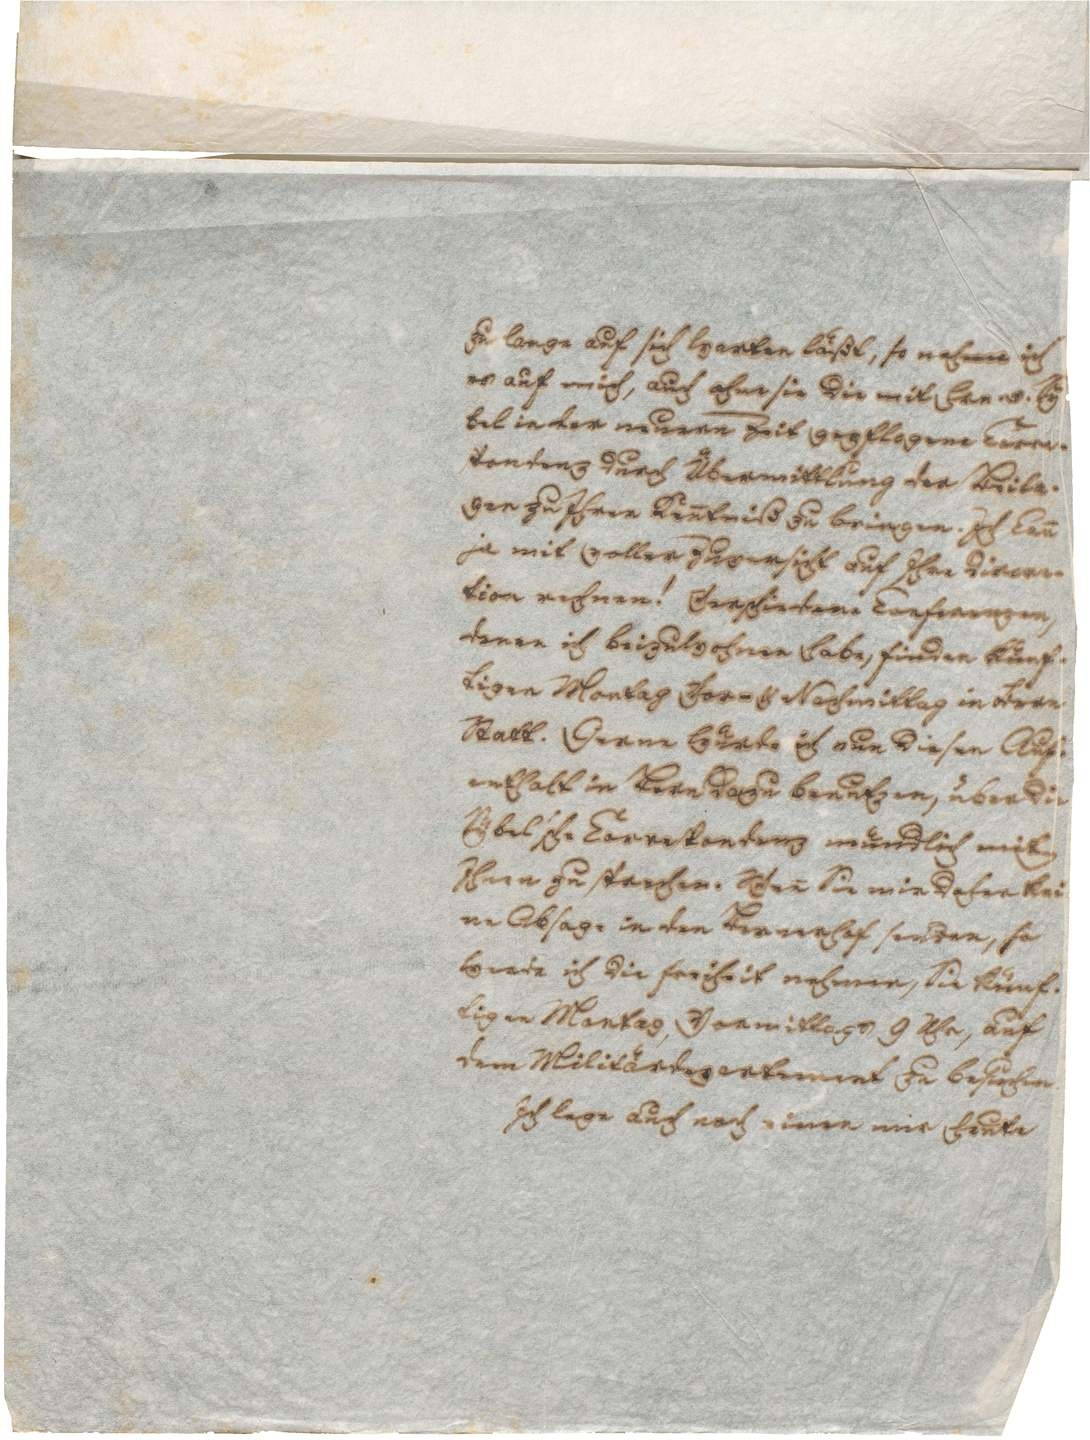zu lange auf sich warten läßt, so nehme ich
es auf mich, auch ohne sie die mit Hrn v. Sy-
bel in der neuern Zeit gepflogene Corre-
spondenz durch Übermittlung der Beila-
gen zu Ihrer Kenntniß zu bringen. Ich kann
ja mit voller Zuversicht auf Ihre Discre-
tion rechnen! Verschiedene Conferenzen,
denen ich beizuwohnen habe, finden künf-
tigen Montag Vor- & Nachmittag in Bern
Statt. Gerne würde ich nun diesen Auf-
enthalt in Bern dazu benutzen, über die
Sybel'sche Correspondenz mündlich mit
Ihnen zu sprechen. Wenn Sie mir daher kei-
ne Absage in den Bernerhof senden, so
werde ich die Freiheit nehmen, Sie künf-
tigen Montag, Vormittags 9 Uhr, auf
dem Militärdepartement zu besuchen.
Ich lege auch noch einen mir heute